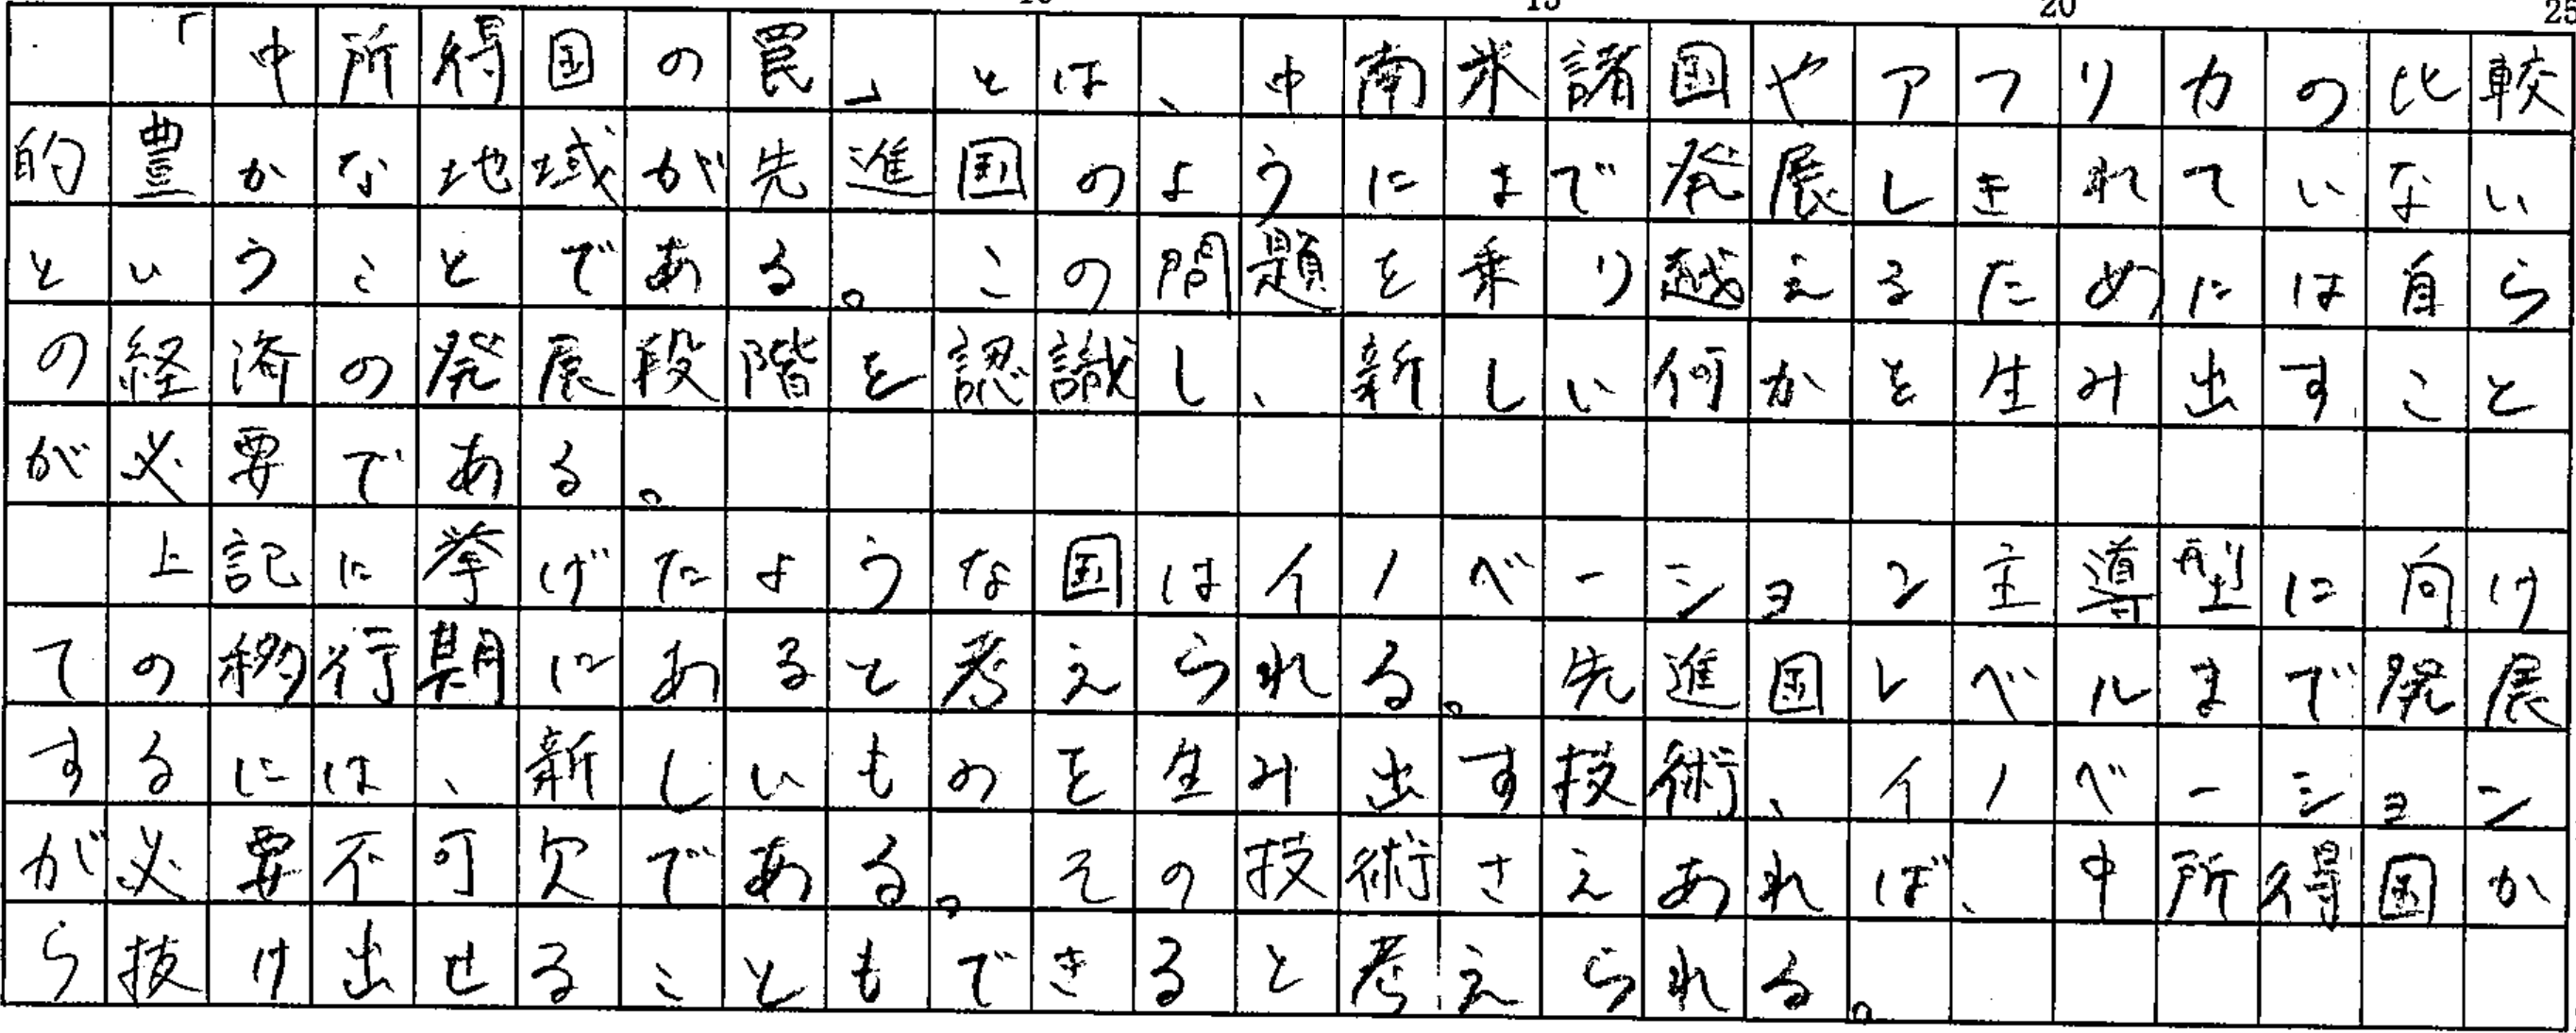　「中所得国の罠」とは、中南米諸国やアフリカの比較的豊かな地域が先進国のようにまで発展しきれていないということである。この問題を乗り越えるためには自らの経済の発展段階を認識し、新しい何かを生み出すことが必要である。
　上記に挙げたような国はイノベーション主導型に向けての移行期にあると考えられる。先進国レベルまで発展するには、新しいものを生み出す技術、イノベーションが必要不可欠である。その技術さえあれば、中所得国から抜け出せることもできると考えられる。
